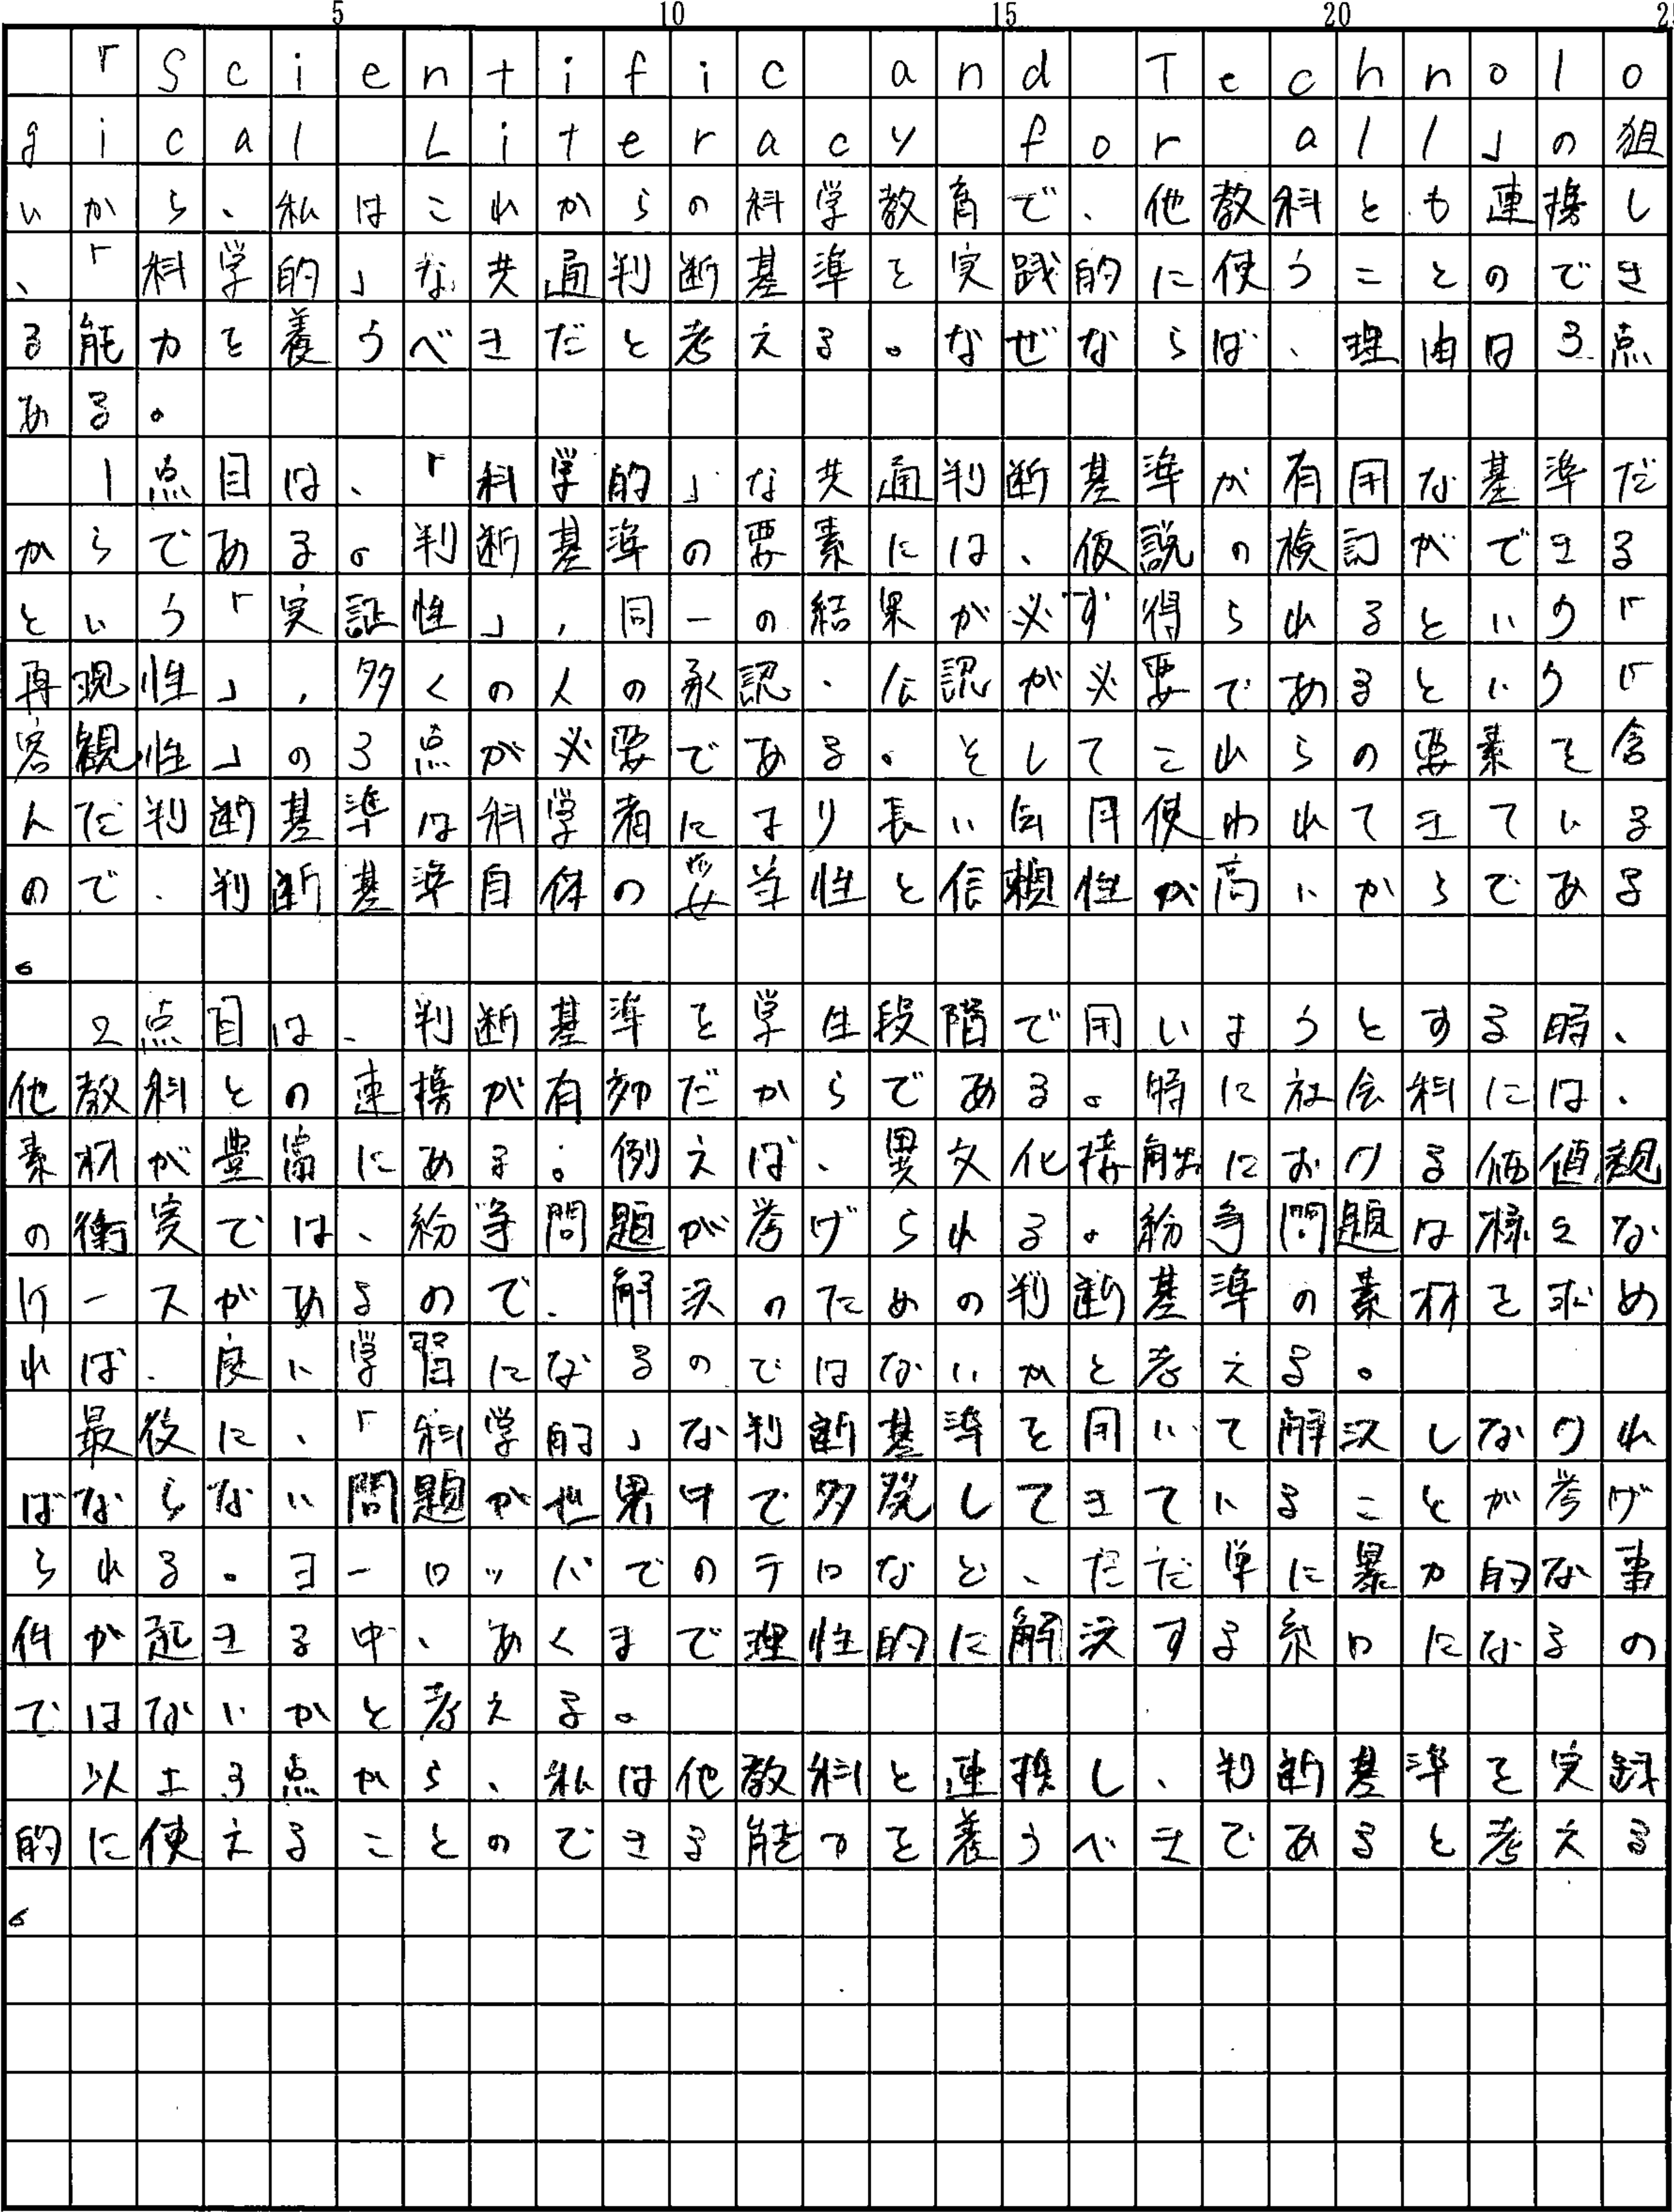　「Ｓｃｉｅｎｔｉｆｉｃ　ａｎｄ　Ｔｅｃｈｎｏｌｏｇｉｃａｌ　Ｌｉｔｅｒａｃｙ　ｆｏｒ　ａｌｌ」の狙いから、私はこれからの科学教育で、他教科とも連携し、「科学的」な共通判断基準を実践的に使うことのできる能力を養うべきだと考える。なぜならば、理由は３点ある。
　１点目は、「科学的」な共通判断基準が有用な基準だからである。判断基準の要素には、仮説の検▁ができるという「実証性」、同一の結果が必ず得られるという「再現性」、多くの人の承認・公認が必要であるという「客観性」の３点が必要である。そしてこれらの要素を含んだ判断基準は科学者により長い年月使われてきているので、判断基準自体の妥当性と信頼性が高いからである。
　２点目は、判断基準を学生段階で用いようとする時、他教科との連携が有効だからである。特に社会科には、素材が豊富にある。例えば、異文化接触における価値観の衝突では、紛争問題が挙げられる。紛争問題は様々なケースがあるので、解決のための判断基準の素材を求めれば、良い学習になるのではないかと考える。
　最後に、「科学的」な判断基準を用いて解決しなければならない問題が世界中で多発してきていることが挙げられる。ヨーロッパでのテロなど、ただ単に暴力的な事件が起きる中、あくまで理性的に解決する糸口になるのではないかと考える。
　以上３点から、私は他教科と連携し、判断基準を実践的に使えることのできる能力を養うべきであると考える。
